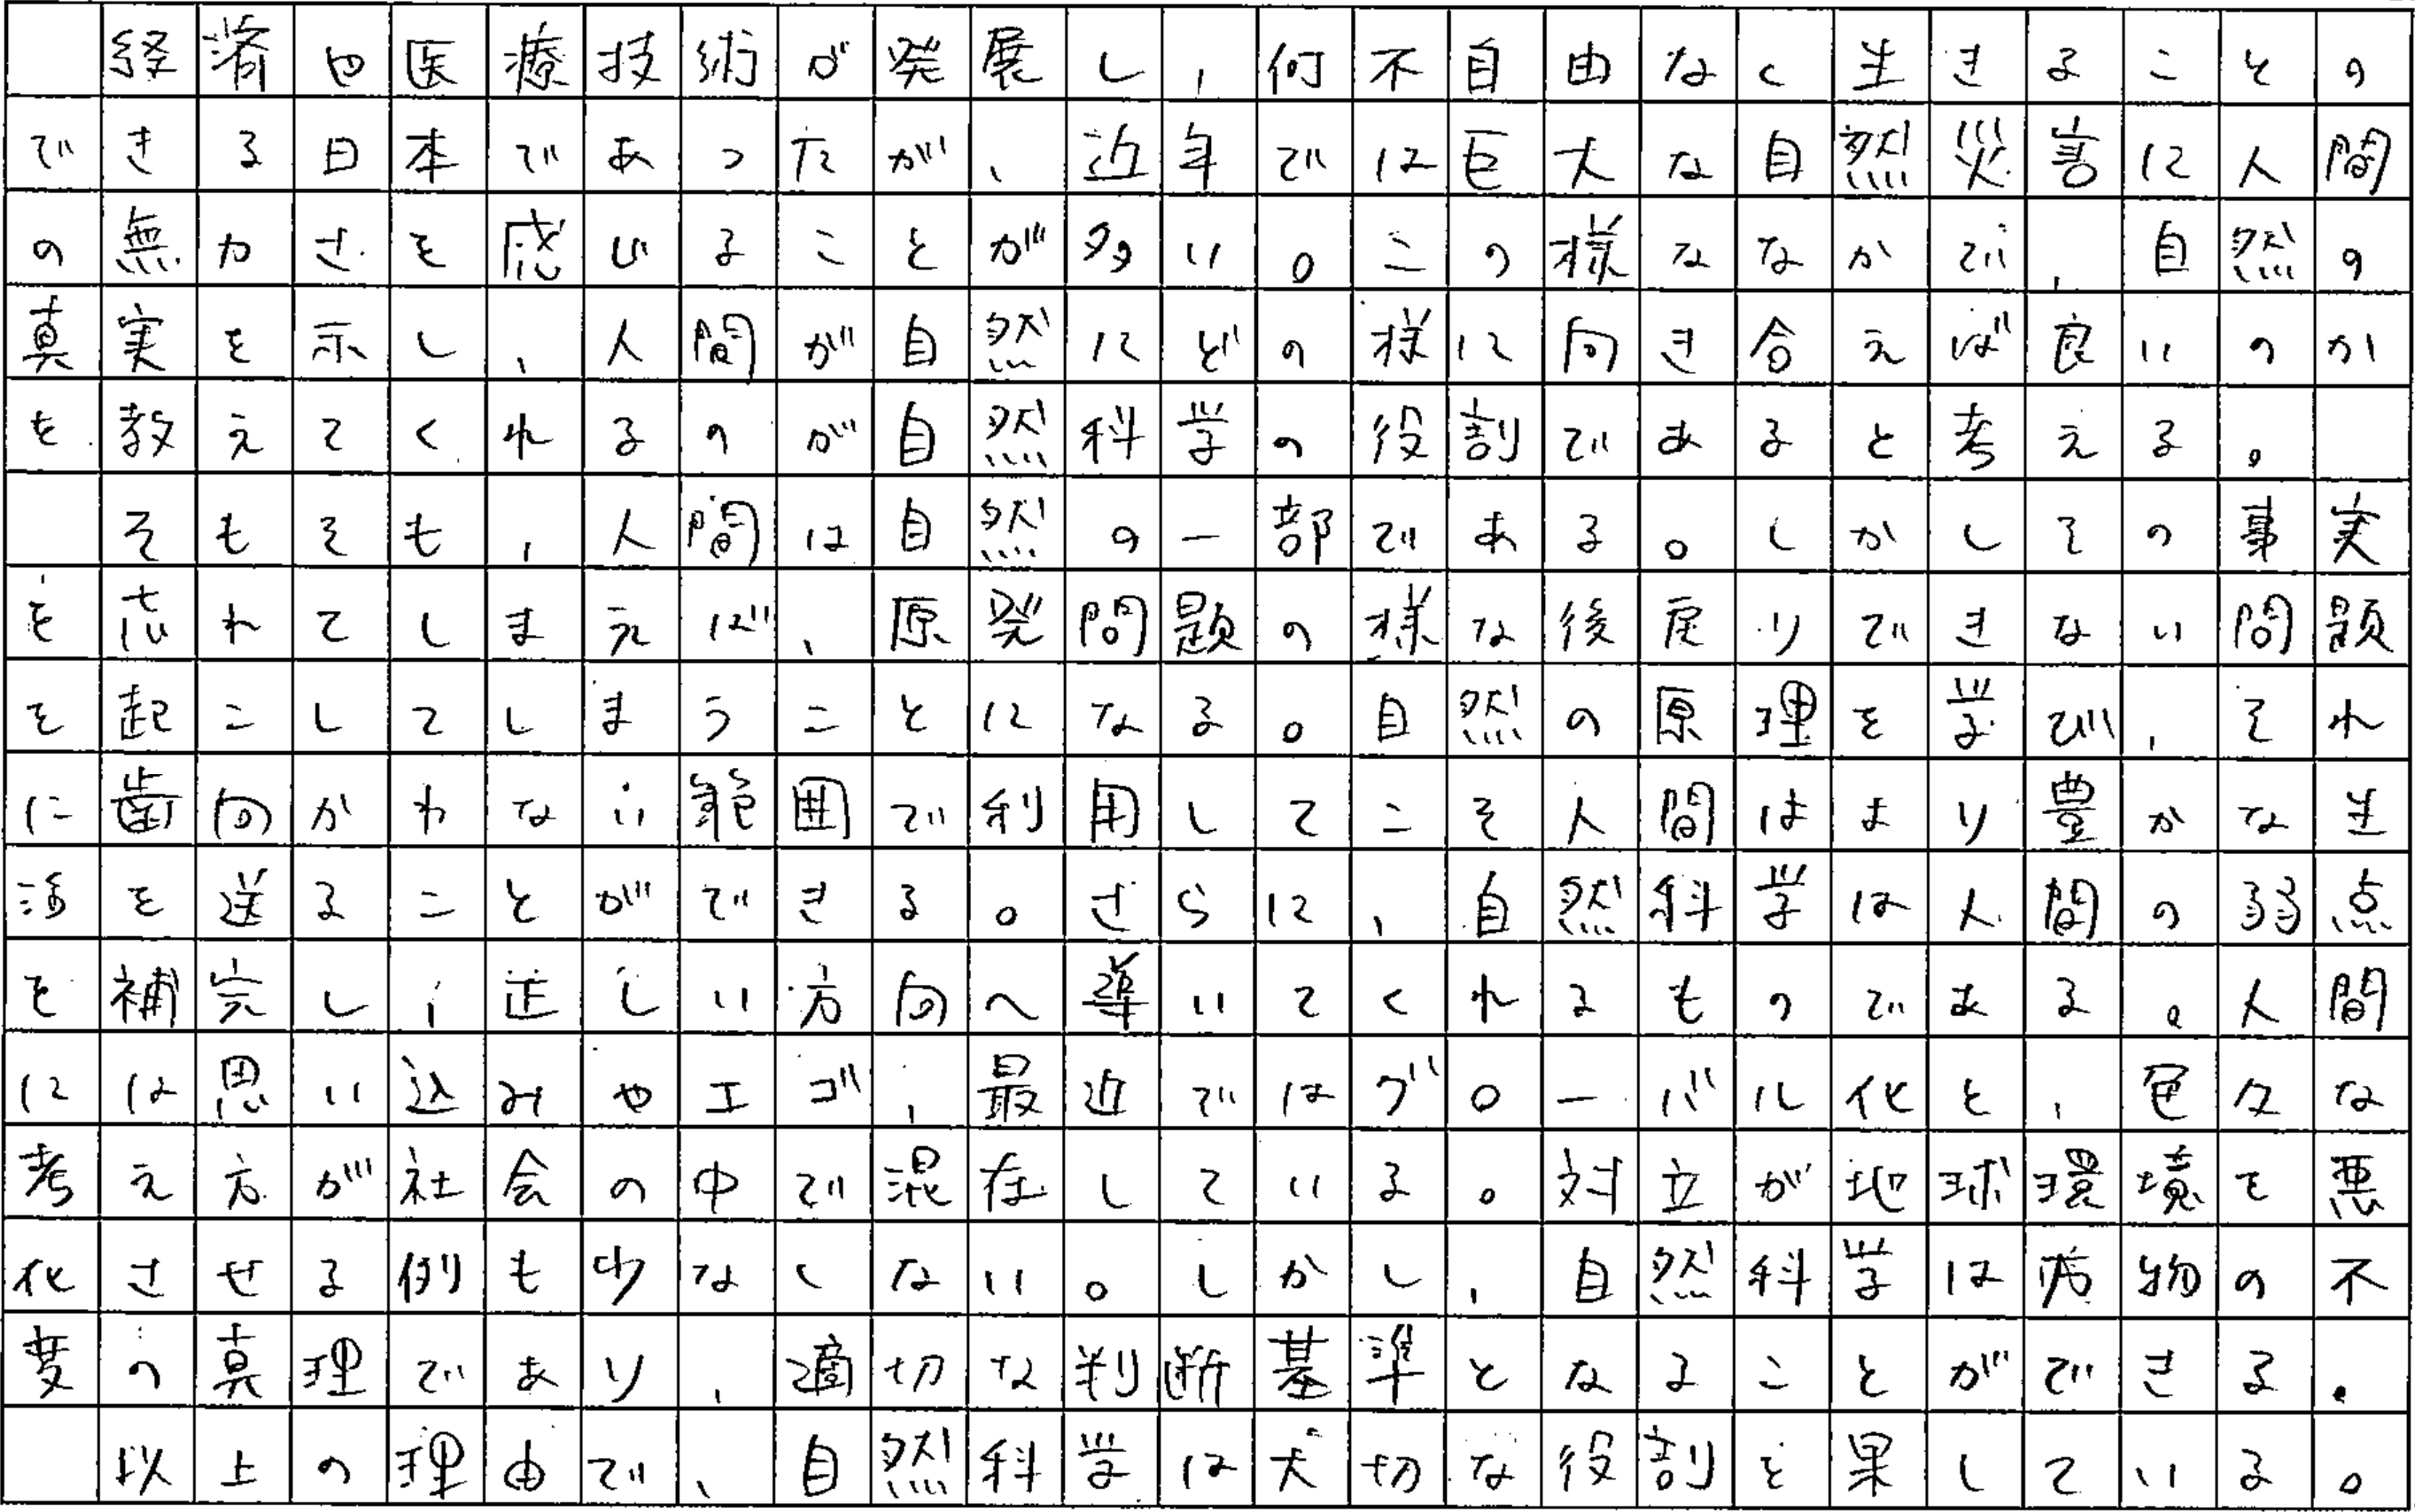　経済や医療技術が発展し、何不自由なく生きることのできる日本であったが、近年では巨大な自然災害に人間の無力さを感じることが多い。この様ななかで、自然の真実を示し、人間が自然にどの様に向き合えば良いのかを教えてくれるのが自然科学の役割であると考える。
　そもそも、人間は自然の一部である。しかしその事実を忘れてしまえば、原発問題の様な後戻りできない問題を起こしてしまうことになる。自然の原理を学び、それに歯向かわない範囲で利用してこそ人間はより豊かな生活を送ることができる。さらに、自然科学は人間の弱点を補完し、正しい方向へ導いてくれるものである。人間には思い込みやエゴ、最近ではグローバル化と、色々な考え方が社会の中で混在している。対立が地球環境を悪化させる例も少なくない。しかし、自然科学は万物の不変の真理であり、適切な判断基準となることができる。
　以上の理由で、自然科学は大切な役割を果している。
